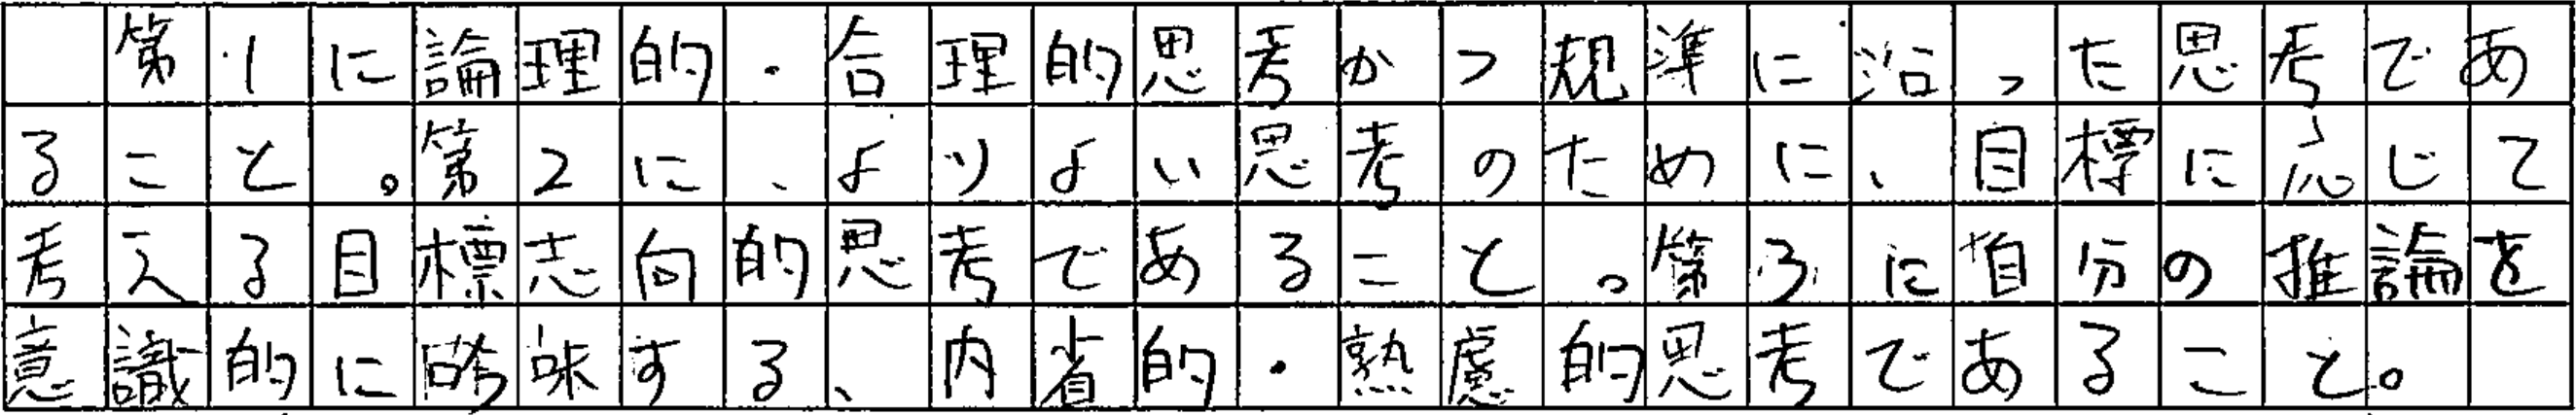　第１に論理的・合理的思考かつ規準に沿った思考であること。第２に、よりよい思考のために、目標に応じて考える目標志向的思考であること。第３に自分の推論を意識的に吟味する、内省的・熟慮的思考であること。
